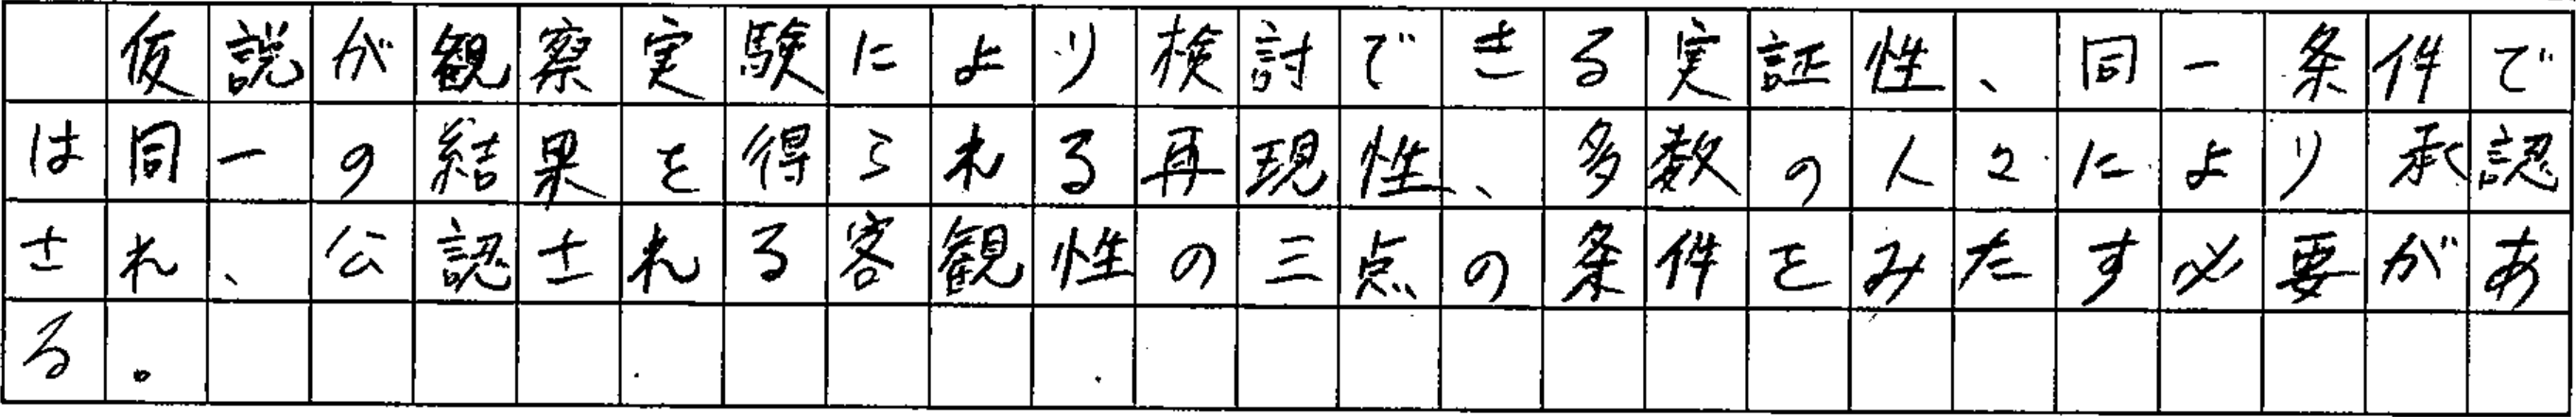　仮説が観察実験により検討できる実証性、同一条件では同一の結果を得られる再現性、多数の人々により承認され、公認される客観性の三点の条件をみたす必要がある。
